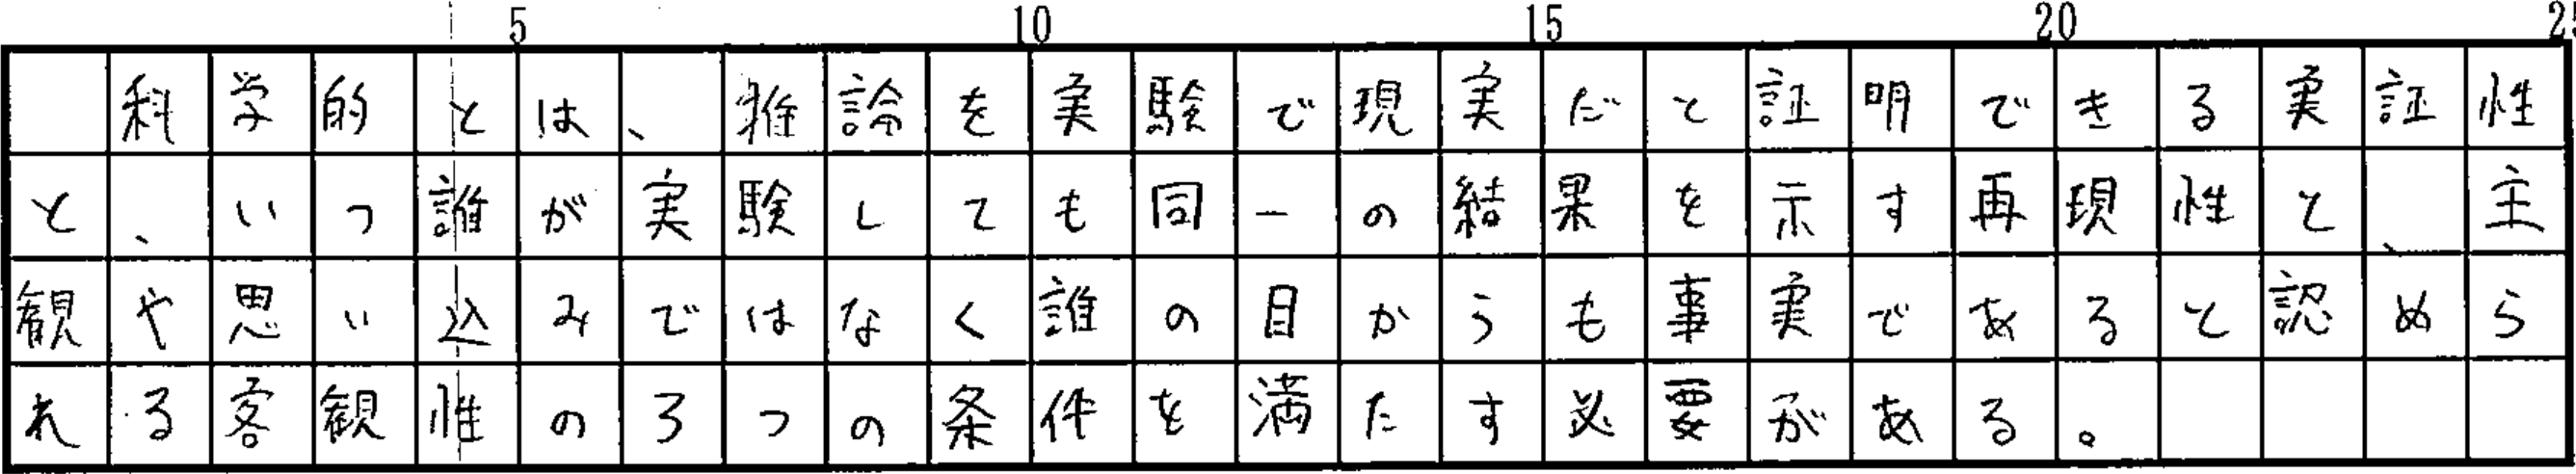　科学的とは、推論を実験で現実だと証明できる実証性と、いつ誰が実験しても同一の結果を示す再現性と、主観や思い込みではなく誰の目からも事実であると認められる客観性の３つの条件を満たす必要がある。
